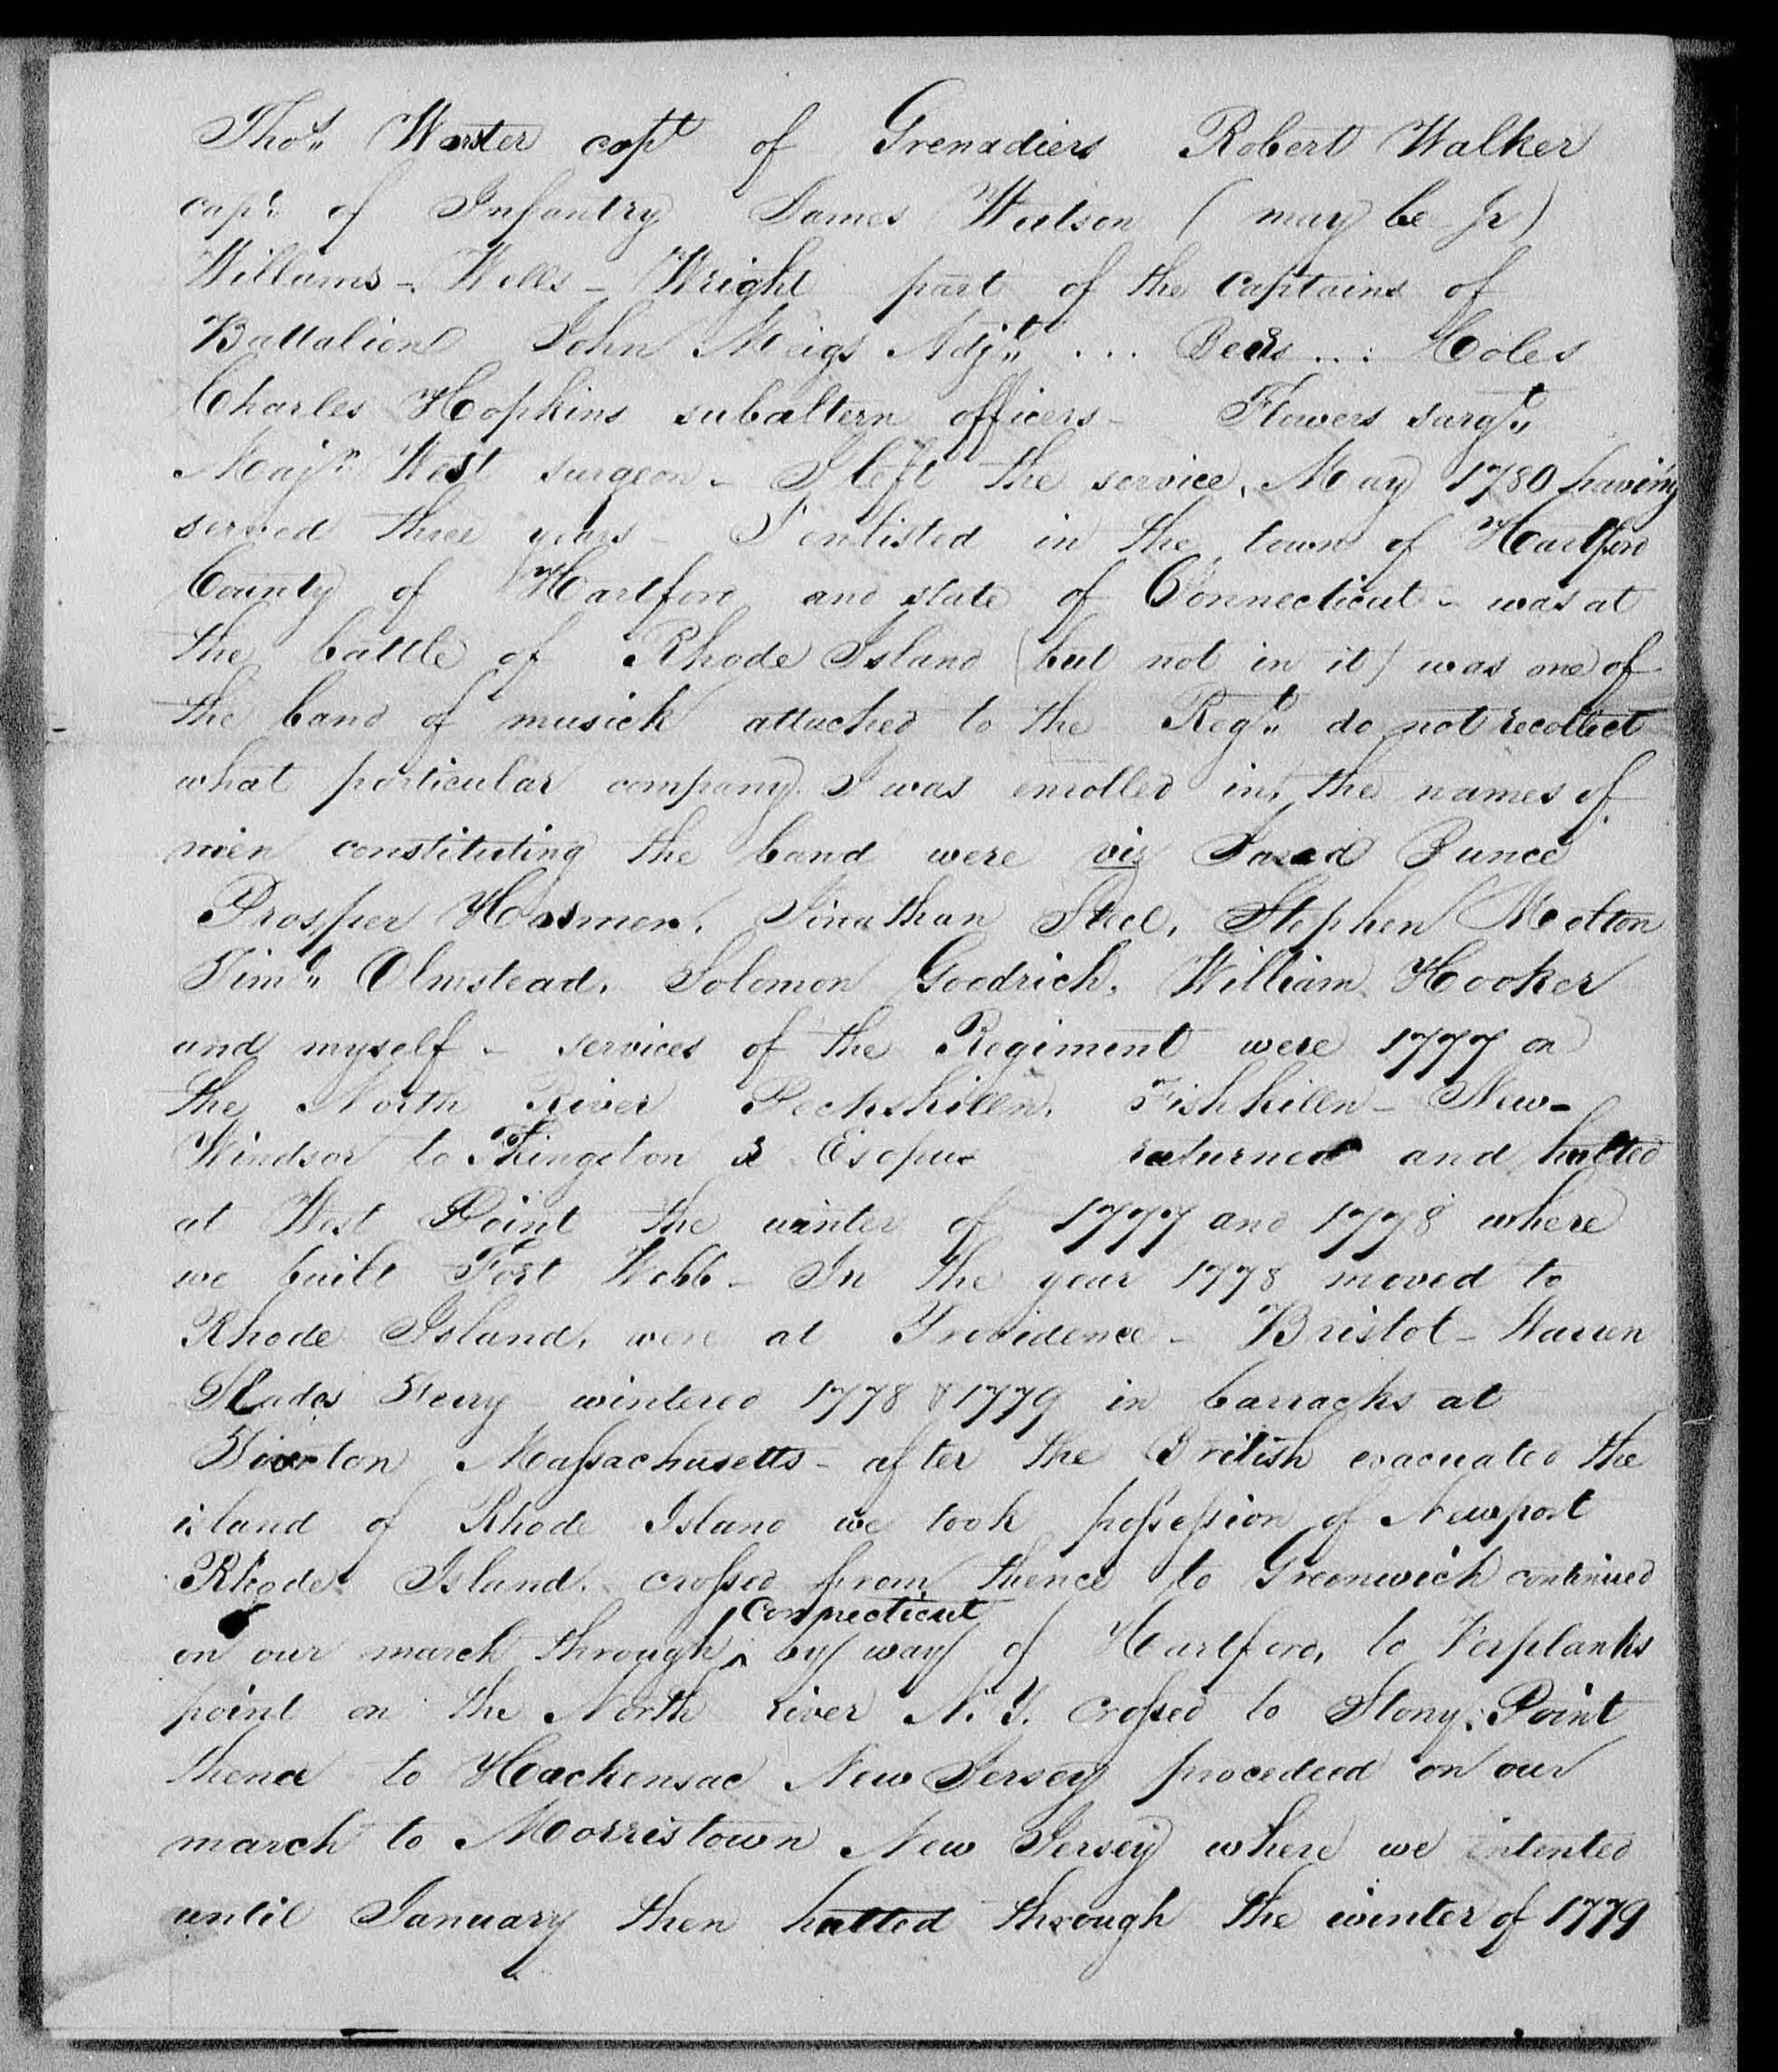Thomas Worster capt of Genadiers, Robert Walker capt of Infantry, James Watson (may be Jr) , Willams, Wells, Wright part of the captains of the Battalion, John Meigs Adjt,  Beris, Coles, Charles Hopkins subaltern officers.  Flowers sargt, Major West surgeon.  I left the service, May 1780 having served three years. I enlisted in the town of Hartford, County of Hartford and state of Connecticut.  Was at the battle of Rhode Island (but not in it) was one of the band of musick attached to the Regt . Do not recollect what particular company I was enrolled in.  The names of men constituting the band were vis, [   ] Punce, Prosper Hosmer, Jonathan Steel, Stephen Molton,  Timothy Olmstead, Solomon Goodrich, William Hooker and myself.  Services of the Regiment were 1777 on the North River, Pecks Hill, Fishkill,  New Windsor to Kingston & Esopus.  Returned and tented at West Point the winter of 1777 and 1778, where we built Fort Webb. In the year 1778 moved to Rhode Island, were at Providence, Bristol, Haven, [ ]lada Ferry. Wintered 1778 & 1779 in barracks at Boston Massachusetts. After the British evacuated the island of Rhode Island, we took possession of Newport, Rhode Island.  Crossed from thence to Greenwich, continued on our march through Connecticut by way of  Hartford to Perpbanks Point on the North River N.Y.  Crossed to  Stony Point thence to Hackensack, New Jersey, proceeded on our march to Morristown, New Jersey , where we tented until January, then halted through the winter of 1779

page: 7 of 17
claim: survivor's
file: S. 16889, for Epaphras Jones, Connecticut